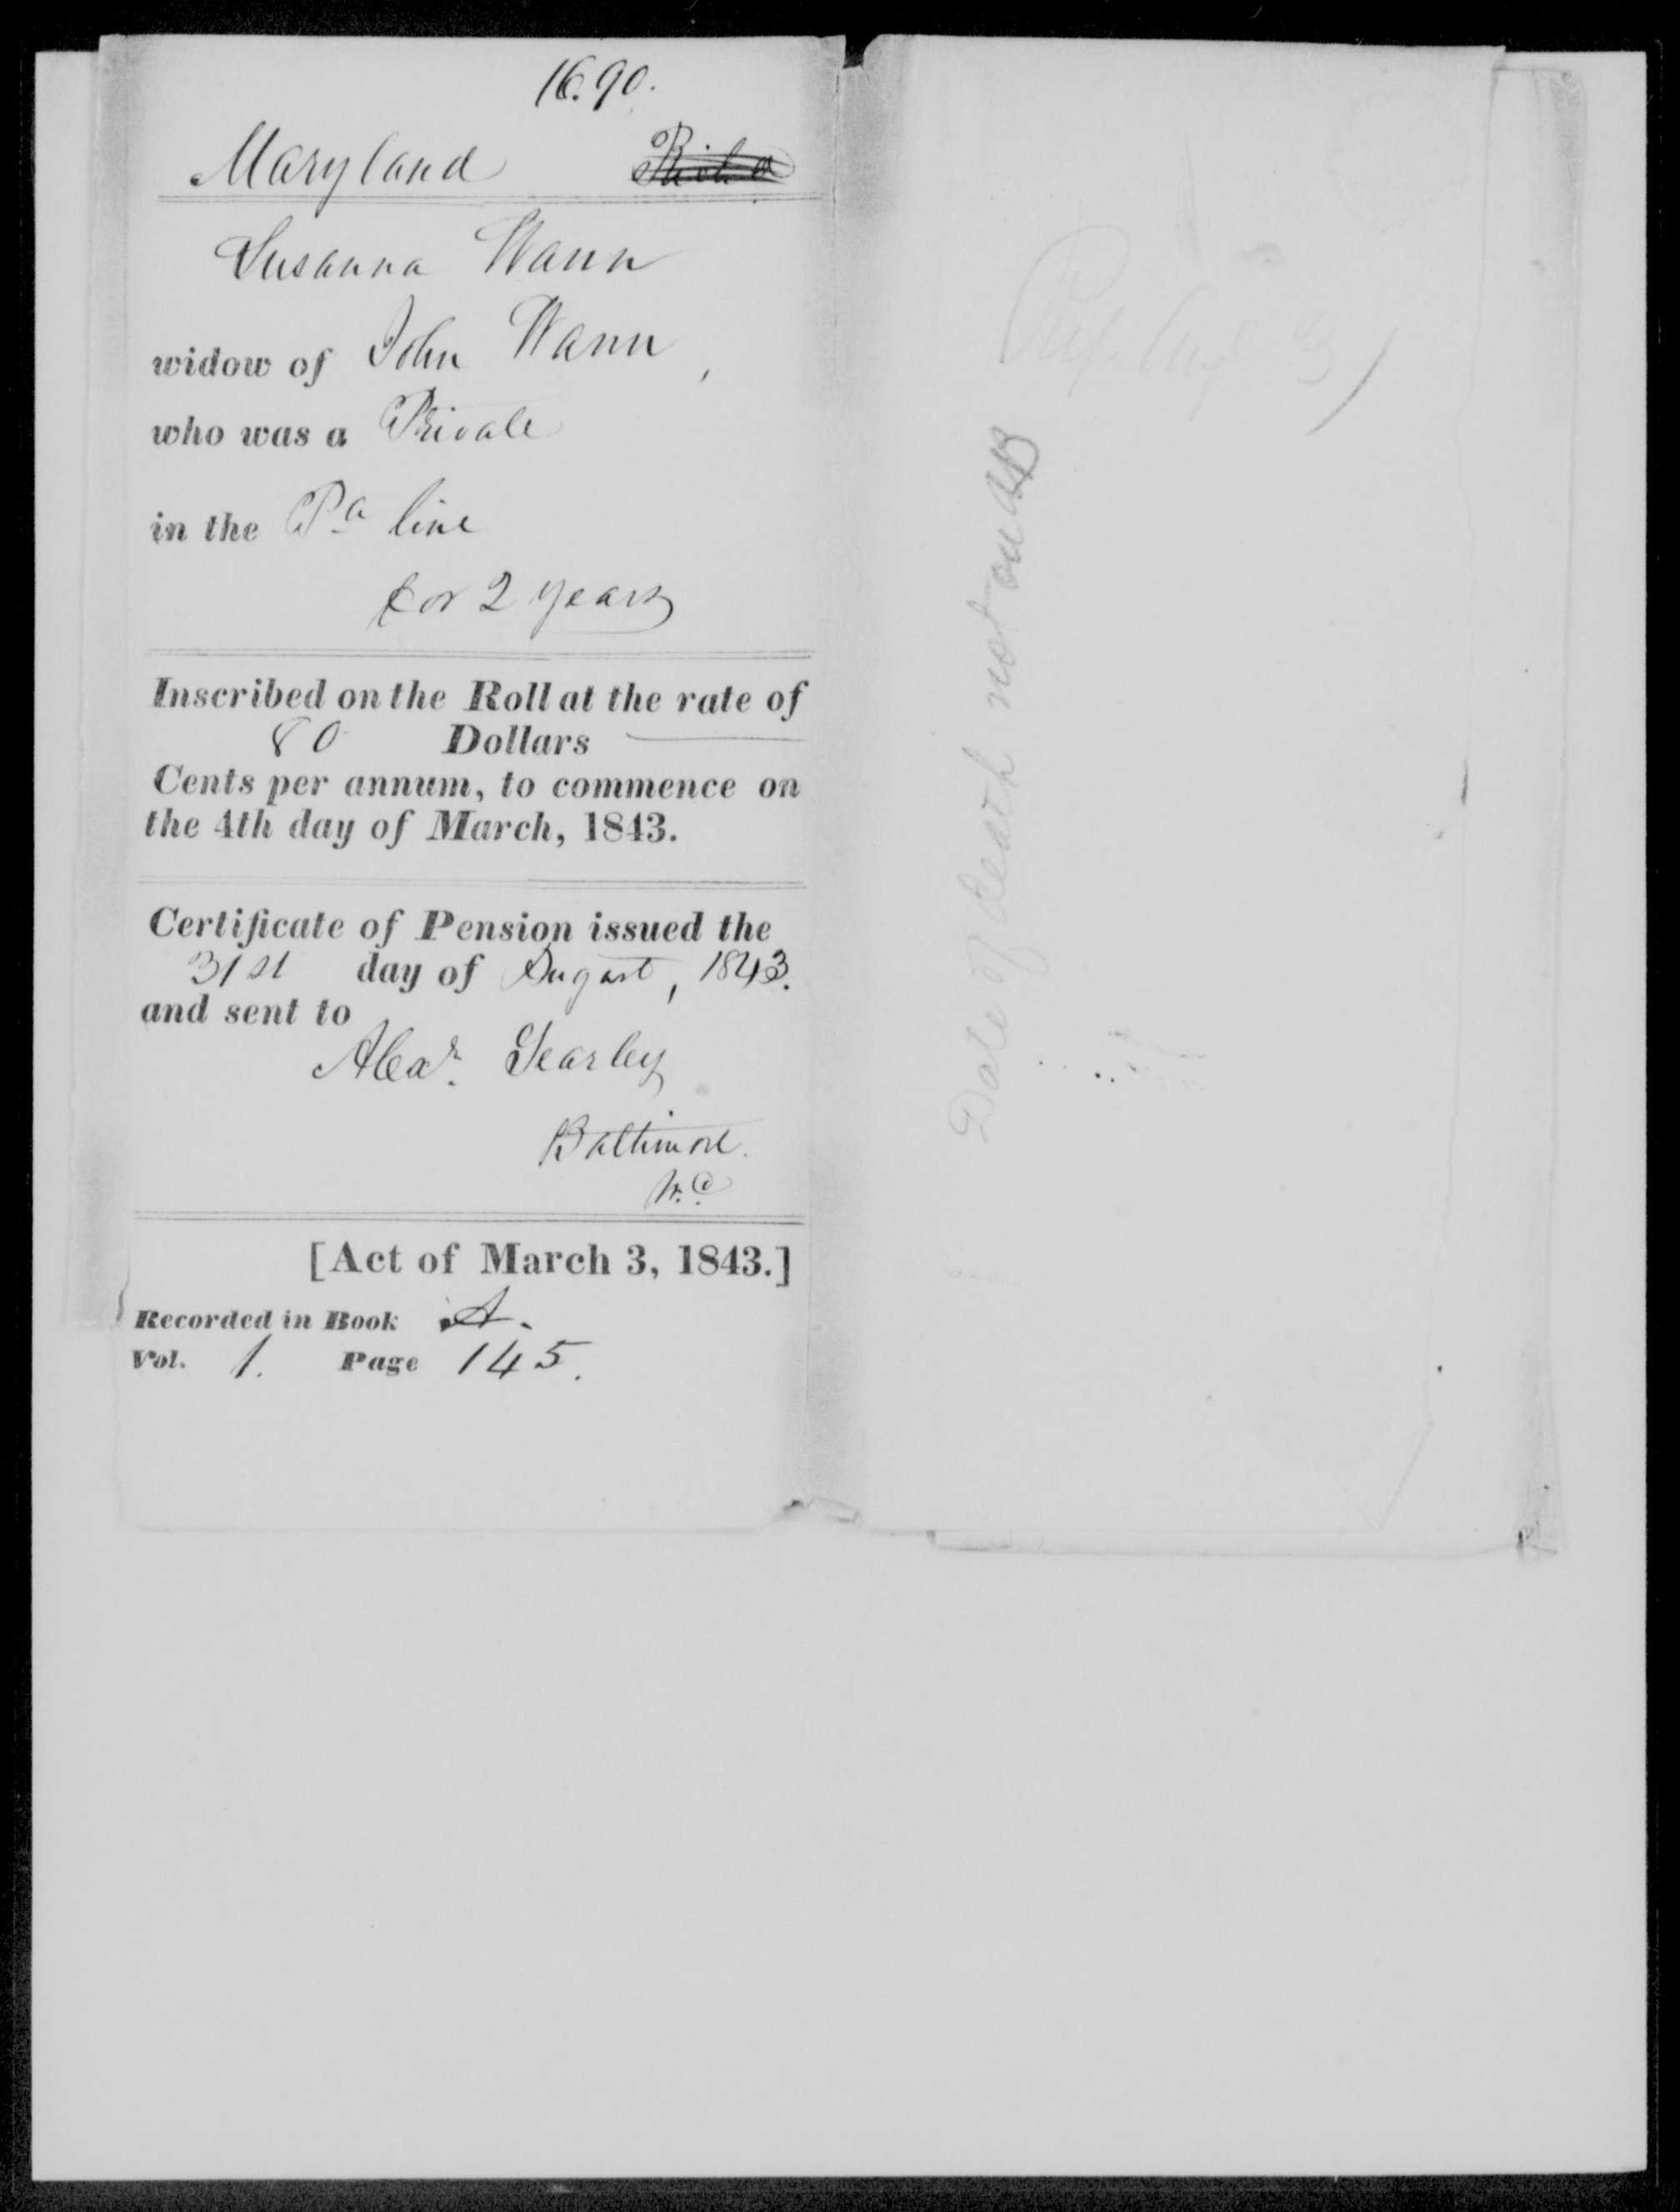16.90
Maryland

Susanna Wann widow of John Wann who was a Private in the Pa line for 2 years

Inscribed on the Roll at the rate of 80 Dollars  -- Cents per annum, to commence on the 4th day of March, 1843.

Certificate of Pension issued the 31st day of August, 1843.  and sent to Alear [Alexander] Yearley Baltimore Md.

[Act of March 3, 1843.] 
Recorded in Book A. Vol 1. Page 145

[faint illegible writing] 

Date of death not on [illegible]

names: John Wann, Alexr Yearley, Susanna Wann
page: 2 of 38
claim: widow's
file: W. 3899, John Wann, Penn.